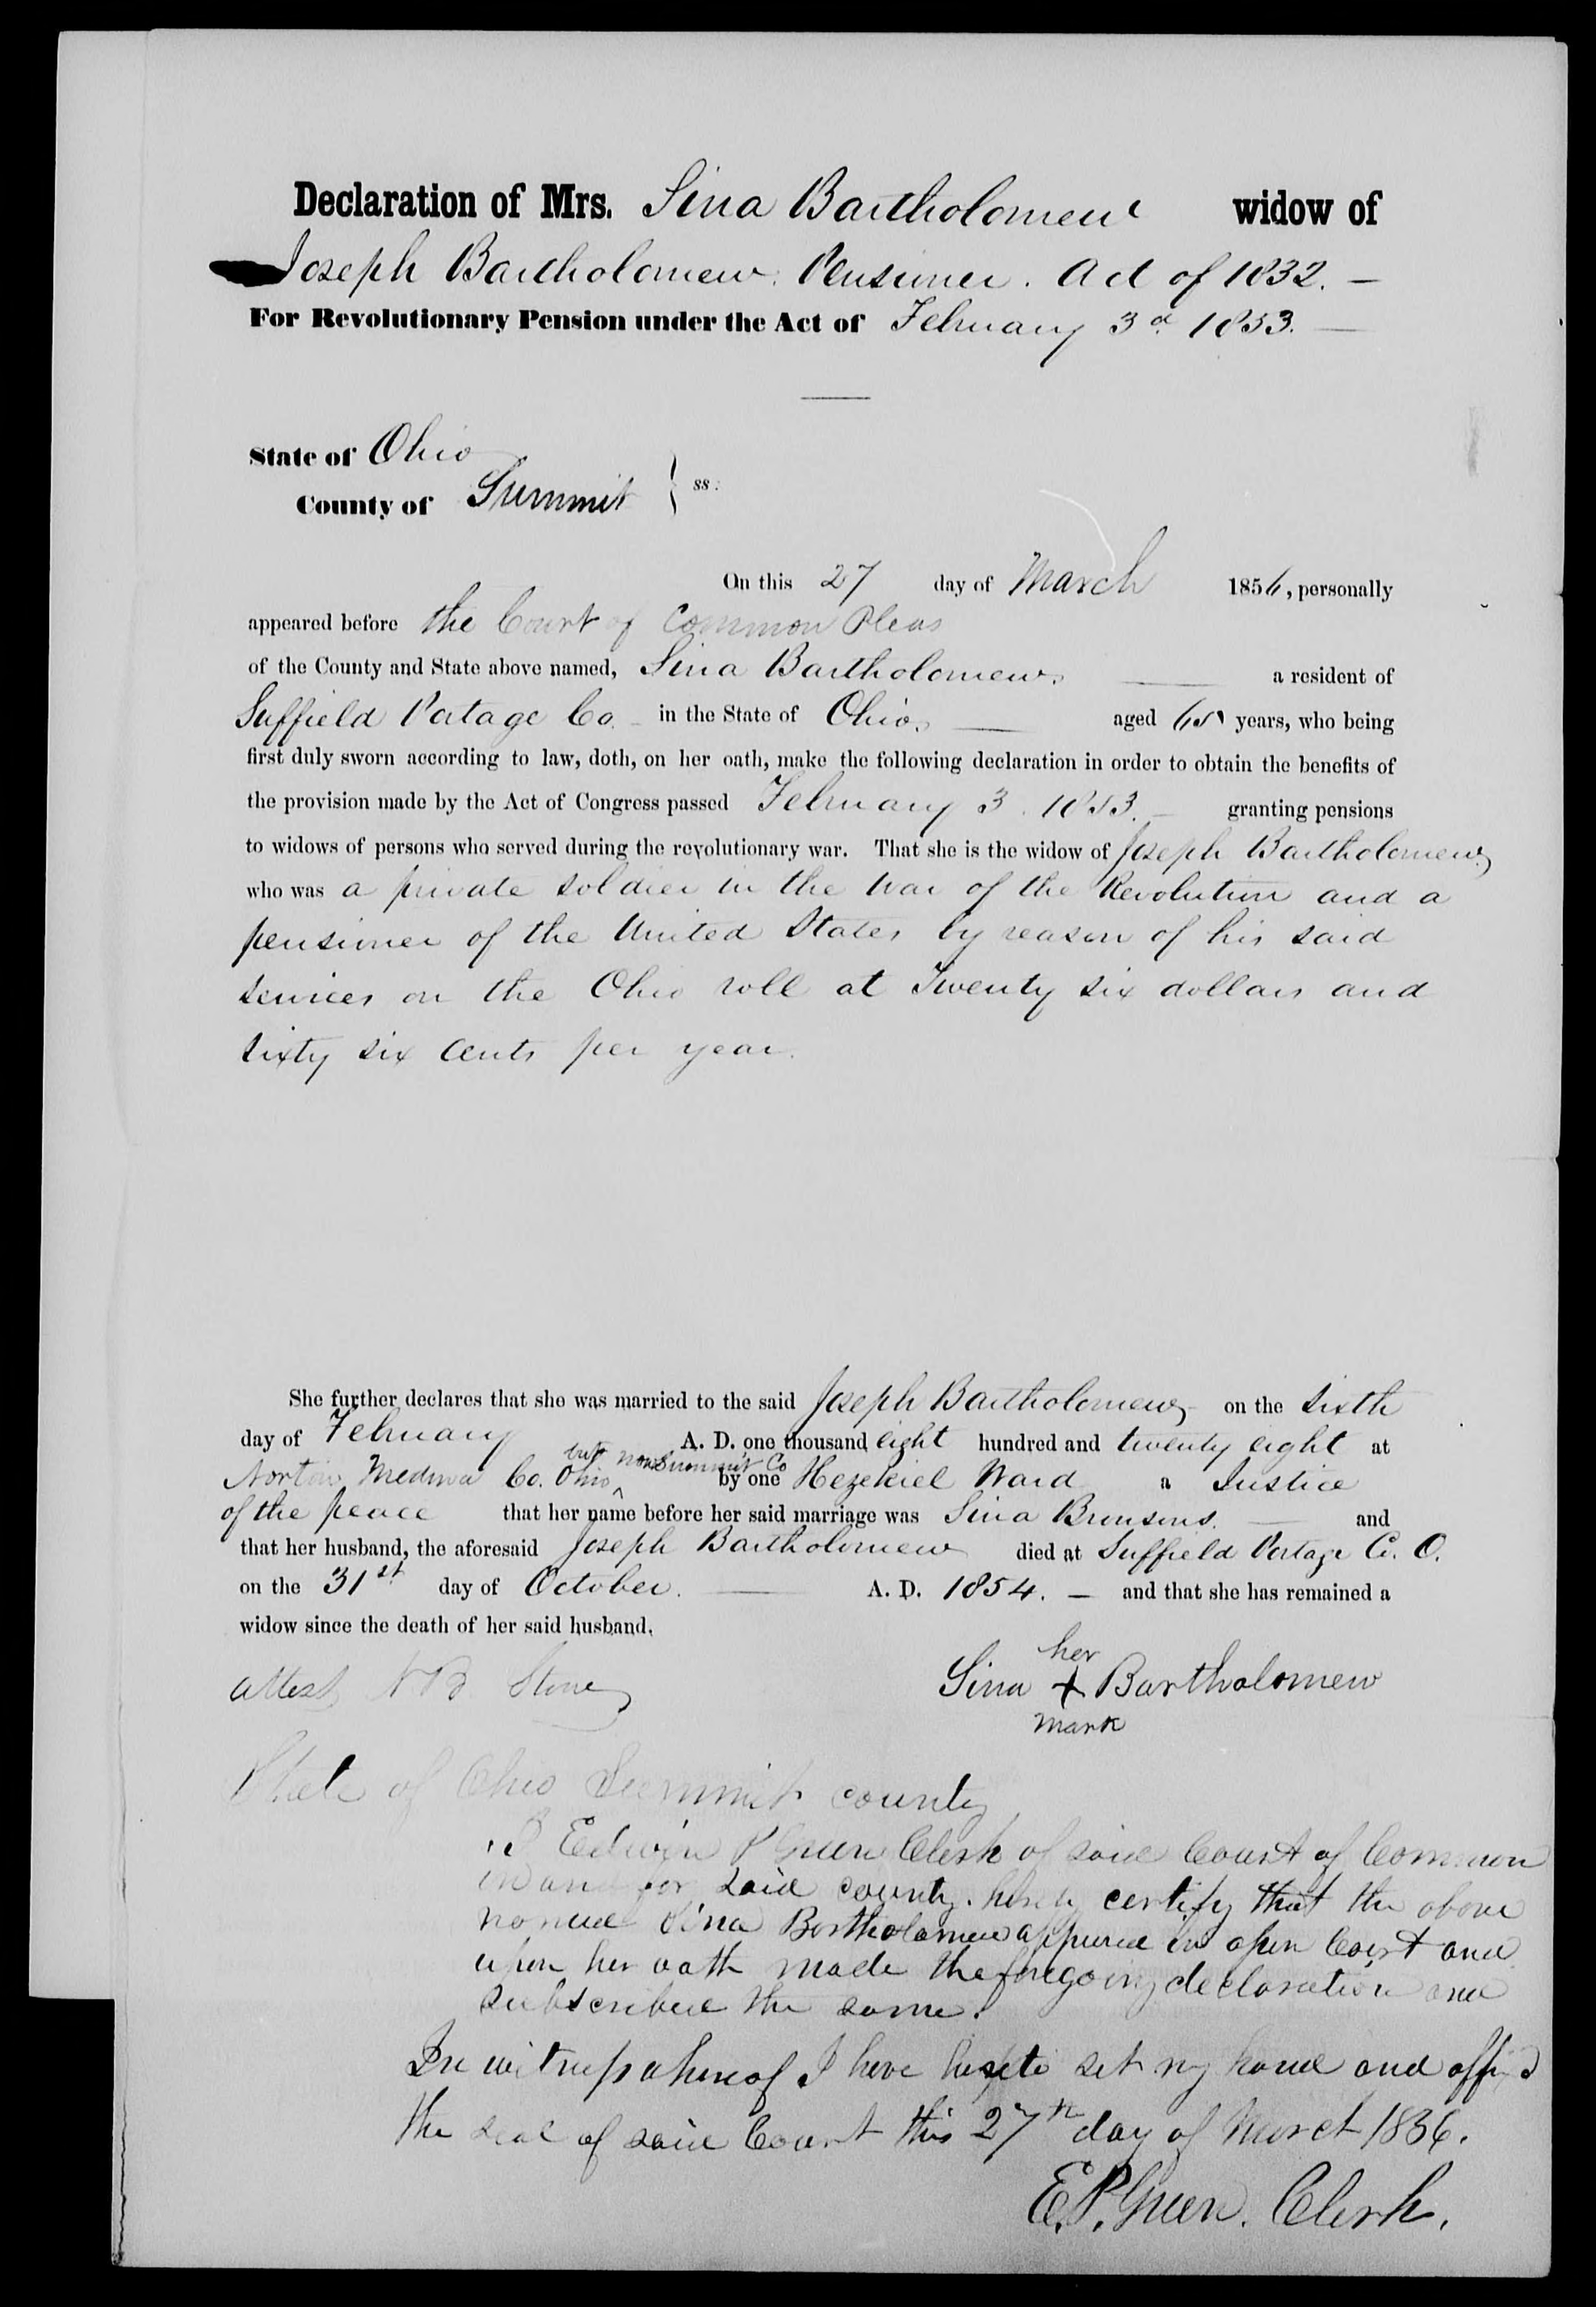Declaration of Mrs. Sina Bartholomew
widow of Joseph Bartholomew Pensioner, Act of 1832.
For Revolutionary Pension under the Act of February 3d 1853

State of Ohio
County of Summit]ss

On this 27 day of March 1856, personally
appeared before the Court of Common Pleas
of the County and State above named, Sina Bartholomew, a resident of Suffield Portage Co. in the State of Ohio - aged 65 years, who being first duly sworn according to law, doth, on her oath, make the following declaration in order to obtain the benefits of the provision made by the Act of Congress passed February 3, 1853 granting pensions
to widows of persons who served during the revolutionary war. That she is the widow of Joseph Bartholomew who was a private soldier in the war of the Revolution and a
pensioner of the United States by reason of his said services on the Ohio roll at Twenty six dollars and sixty six cents per year.

She further declares that she was married to the said Joseph Bartholomew on the Sixth
day of February A.D. one thousand eight hundred and twenty eight at Norton Medina Co. Ohio by one Hezekiel Ward a Justice
of the peace that her name before her said marriage was Sina Bronson the 31st
and that her husband, the aforesaid Joseph Bartholomew died at Suffield Portage Co. O.
on the 31st day of October. A. D. 1854, and that she has remained a widow since the death of her said husband.

Sina Bartholomew X Her Mark [signature]
 
Attest, NB Stone [signature]

State of Ohio Summit County
I Edwin P Green Clerk of said Court of Common in and for said County, hereby certify that the above named Sina Bartholomew  appeared in open Court and
upon her oath made the foregoing declaration and subscribed the same.

In witness whereof I have hereto set my hand and affixed the seal of said Court this 27th day of March 1856

E.P. Green, Clerk. [signature]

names: Sina Bartholomew, Hezekiel Ward, Joseph Bartholomew, N B Stow, Joseph Bartholomew, E P Green, Sina Bortholomew, Sina Bronsons, Edwin P Green, Sina Bartholomew, Sina Bartholomew, Joseph Bartholomew, Joseph Bartholomew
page: 13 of 76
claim: widow's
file: W. 9345, Joseph Bartholomew, Conn.